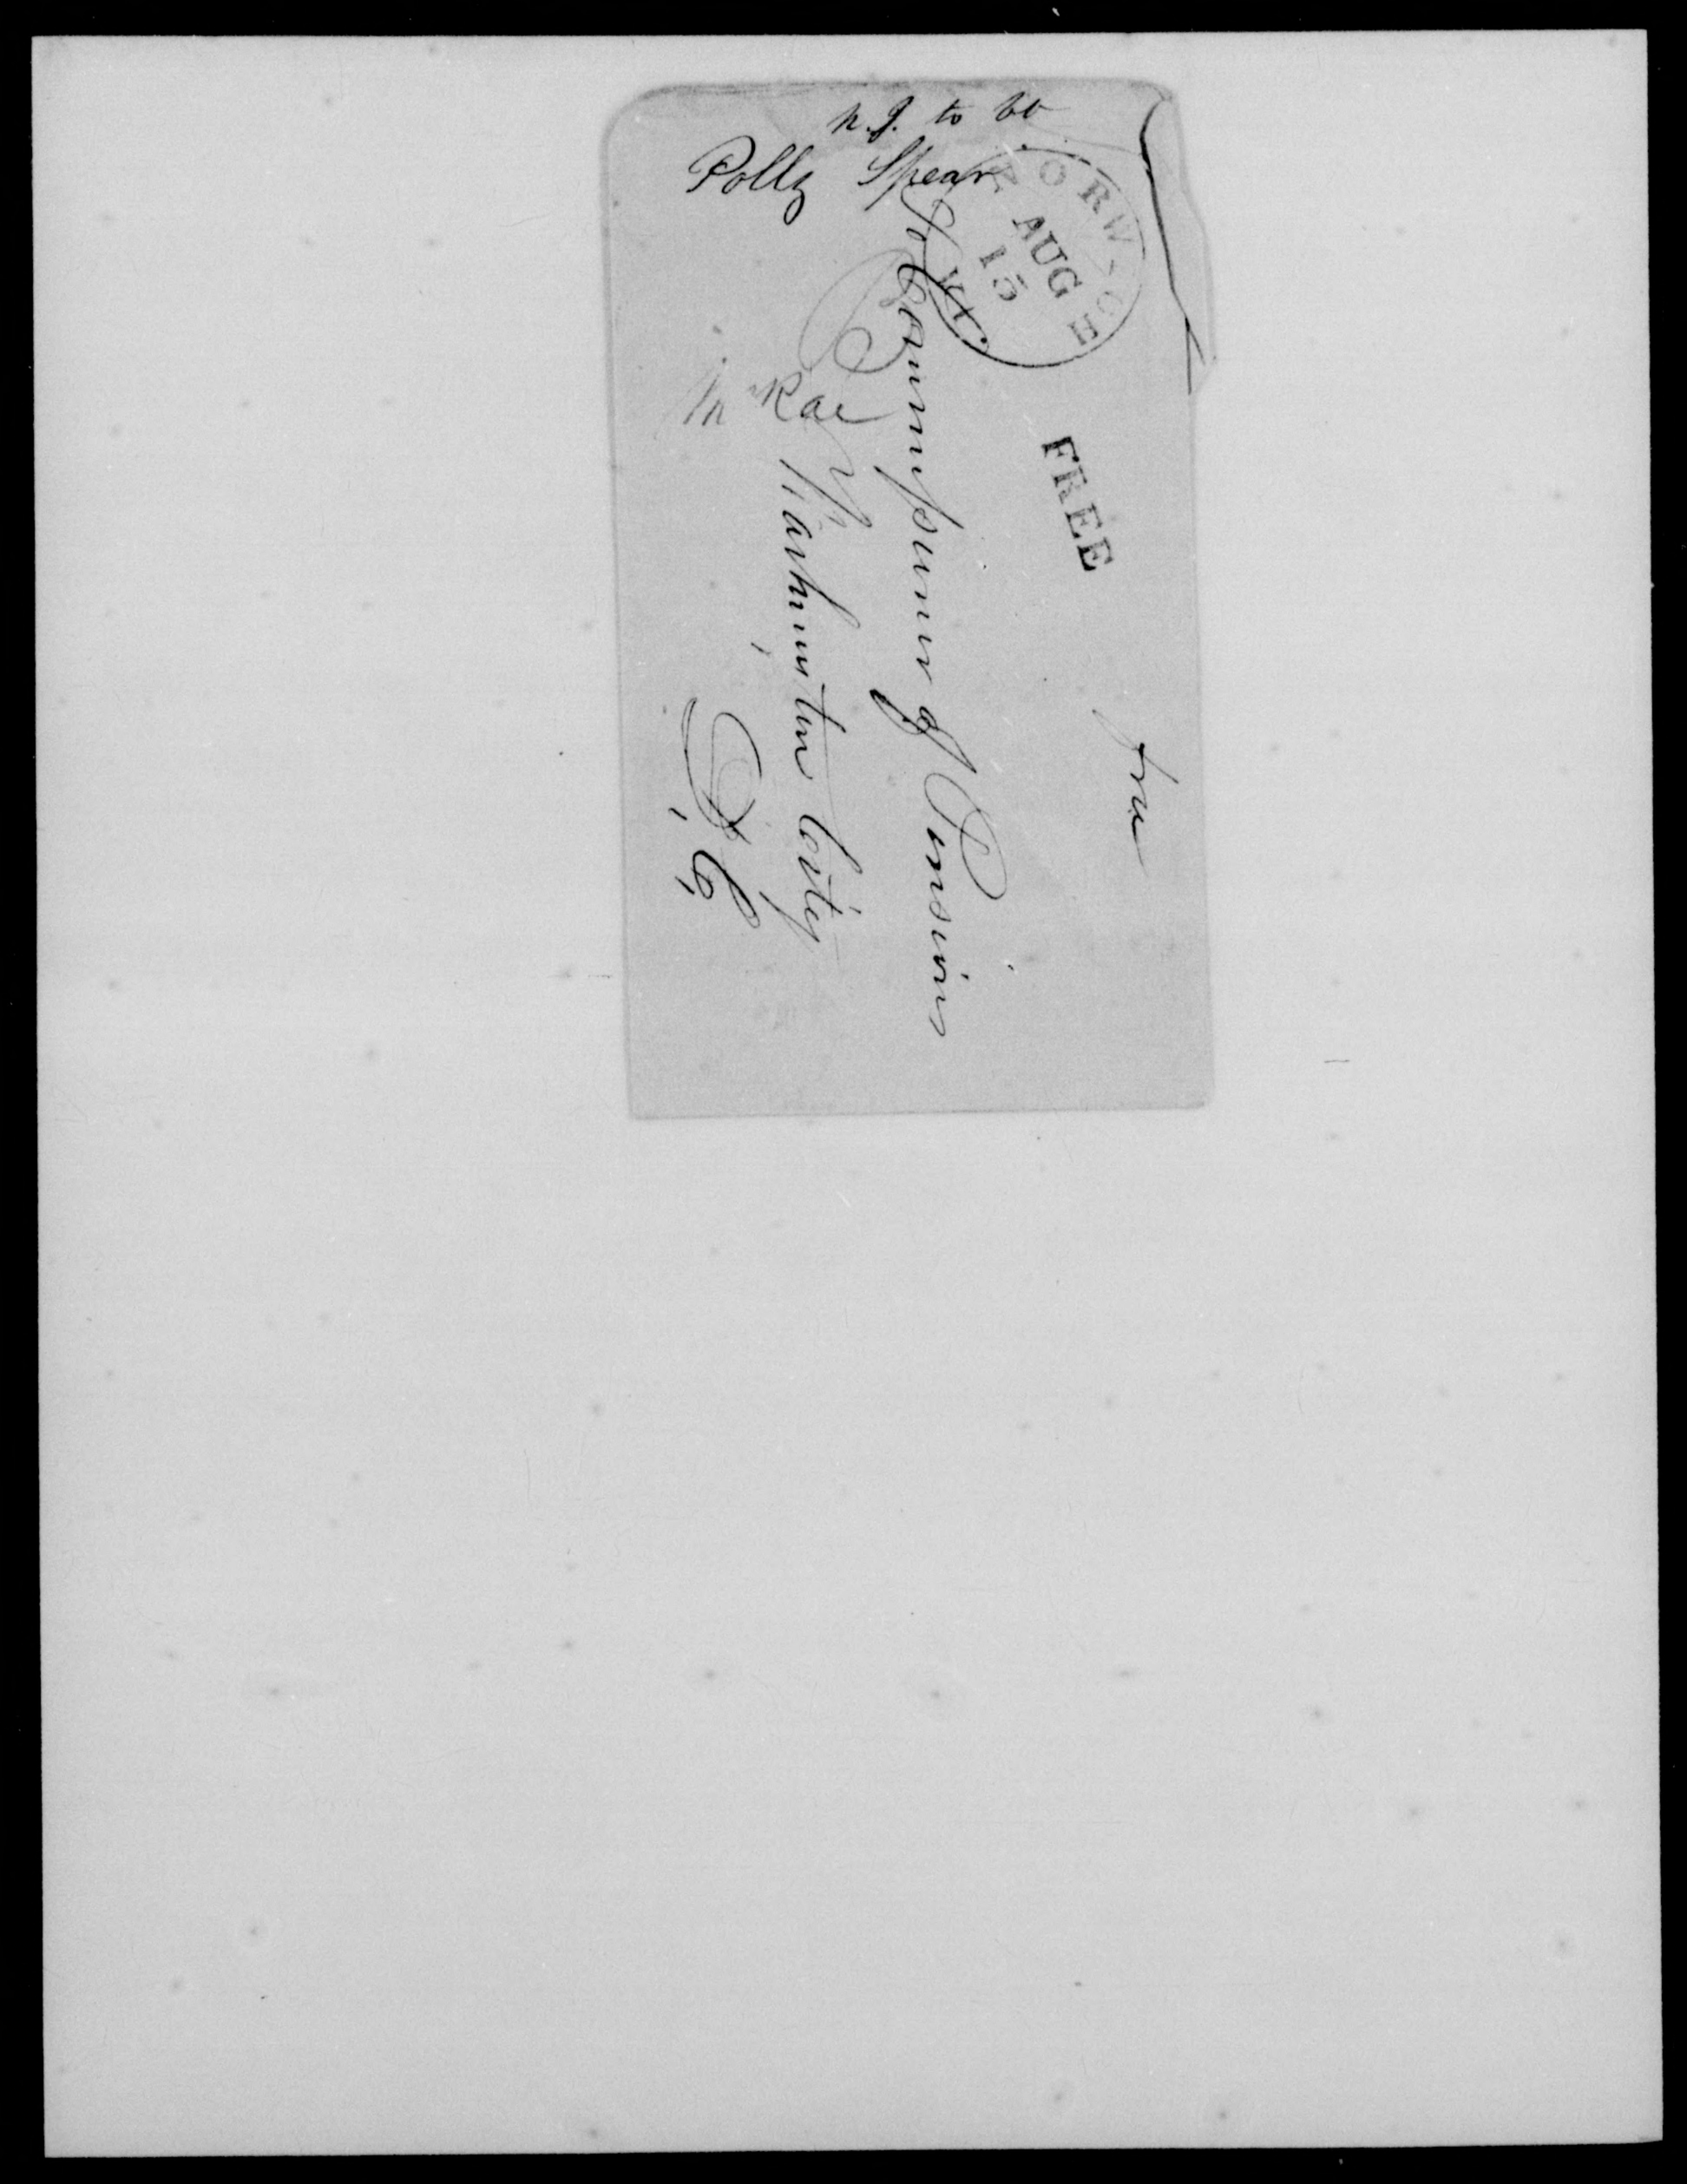NJ to Vt
Polly Spear
B
in Rac
To Commissioner of Pensions
Washington City
DC
NORWICH AUG 15 VT
FREE free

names: [BLANK] Mc Rae; Polly Spear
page: 31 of 65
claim: widow's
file: W. 7197, for Jonathan Spear, Vermont